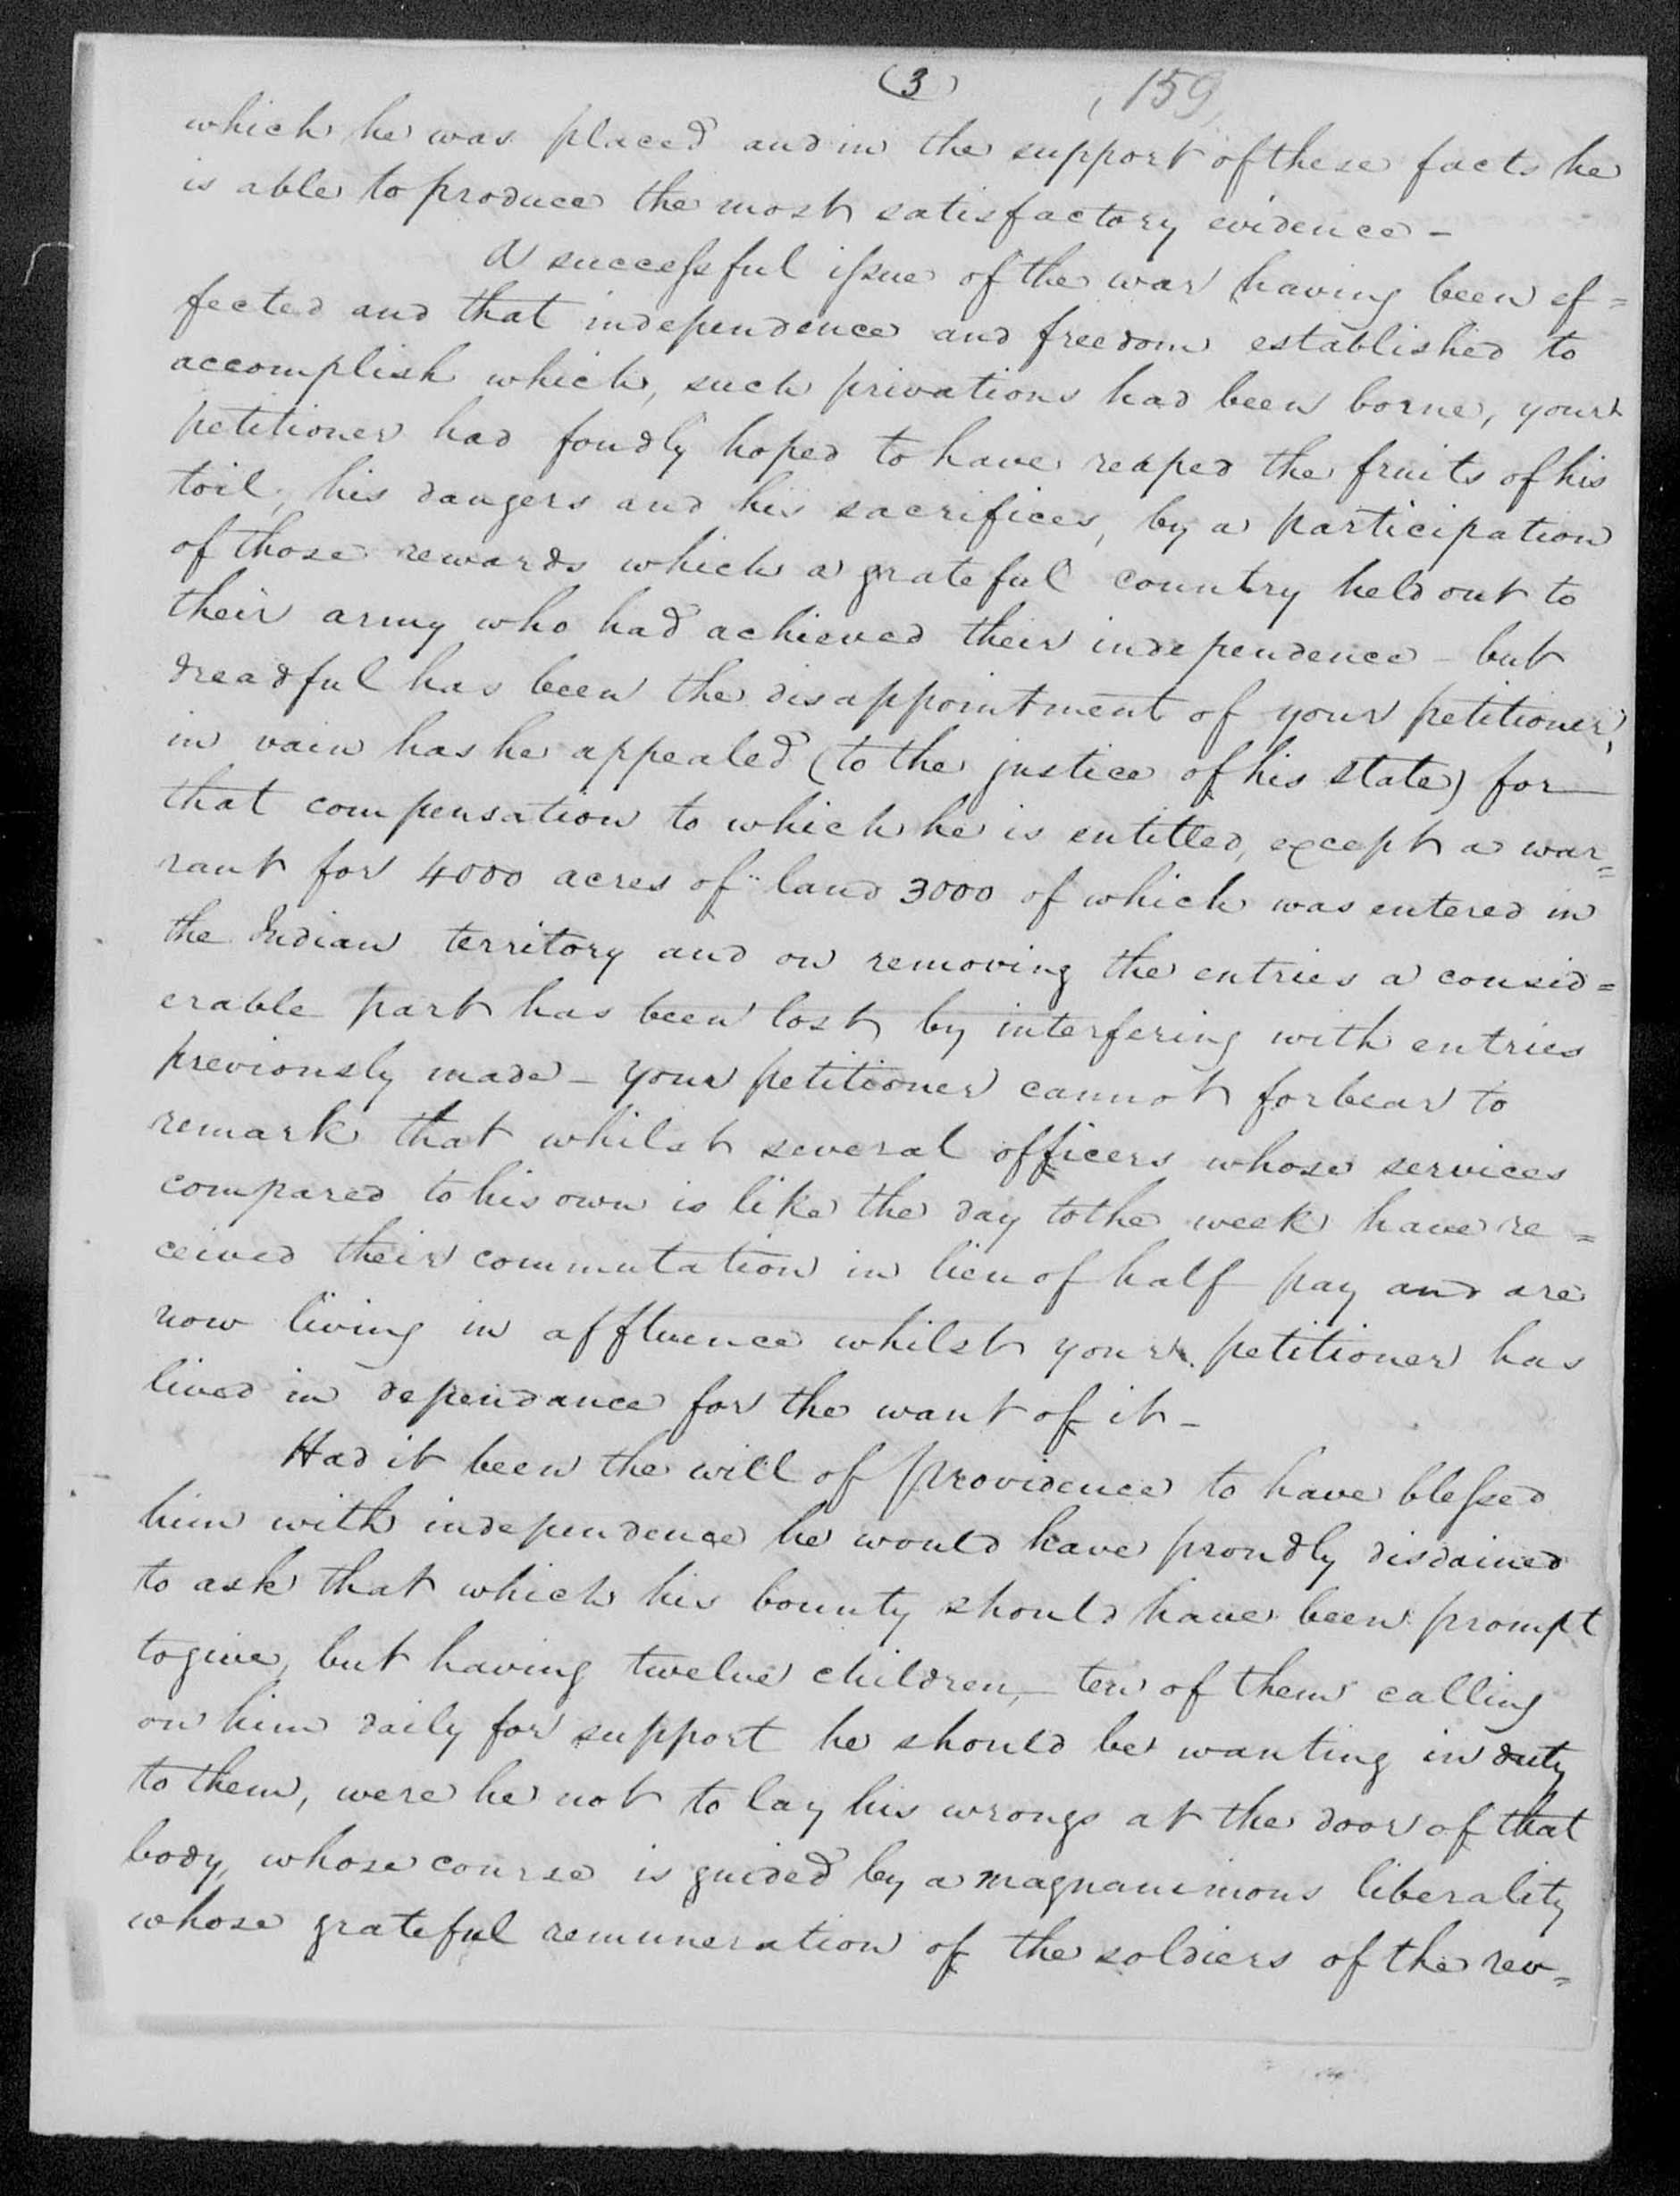(3)    (159)
which he was placed and in the support of these facts he is able to produce the most satisfactory evidence -
A successful issue of the war having been effected and that independence and freedom established to accomplish which, such privations had been borne, your petitioner had fondly hoped to have reaped the fruits of his toil, his dangers and his sacrifices, by a participation of those rewards which a grateful country held out to their army, who had achieved their independence - but dreadful has been the disappointment of your petitioner, in vain has he appealed (to the justice of his state) for that compensation to which he is entitled, except a warrant for 4000 acres of land 3000 of which was entered in the Indian territory and on removing the entries a considerable part has been lost by interfering with entries previously made - your petitioner cannot forbear to remark that whilst several officers whose services compared to his own is like the day to the week have received their commendation in lieu of half pay and are now living in affluence whilst your petitioner has lived in dependence for the want of it --
Had it been the will of providence to have blessed him with independence he would have proudly disdained to ask that which her bounty should have been prompt to give, but having twelve children, --- ten of them calling on him daily for support he should be wanting in duty to them, were he not to lay his wrongs at the door of that body, whose course is guided by a magnanimous liberality whose grateful remuneration of the soldiers of the rev-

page: 5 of 267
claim: widow's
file: W. 4,149, William Campbell, Va.